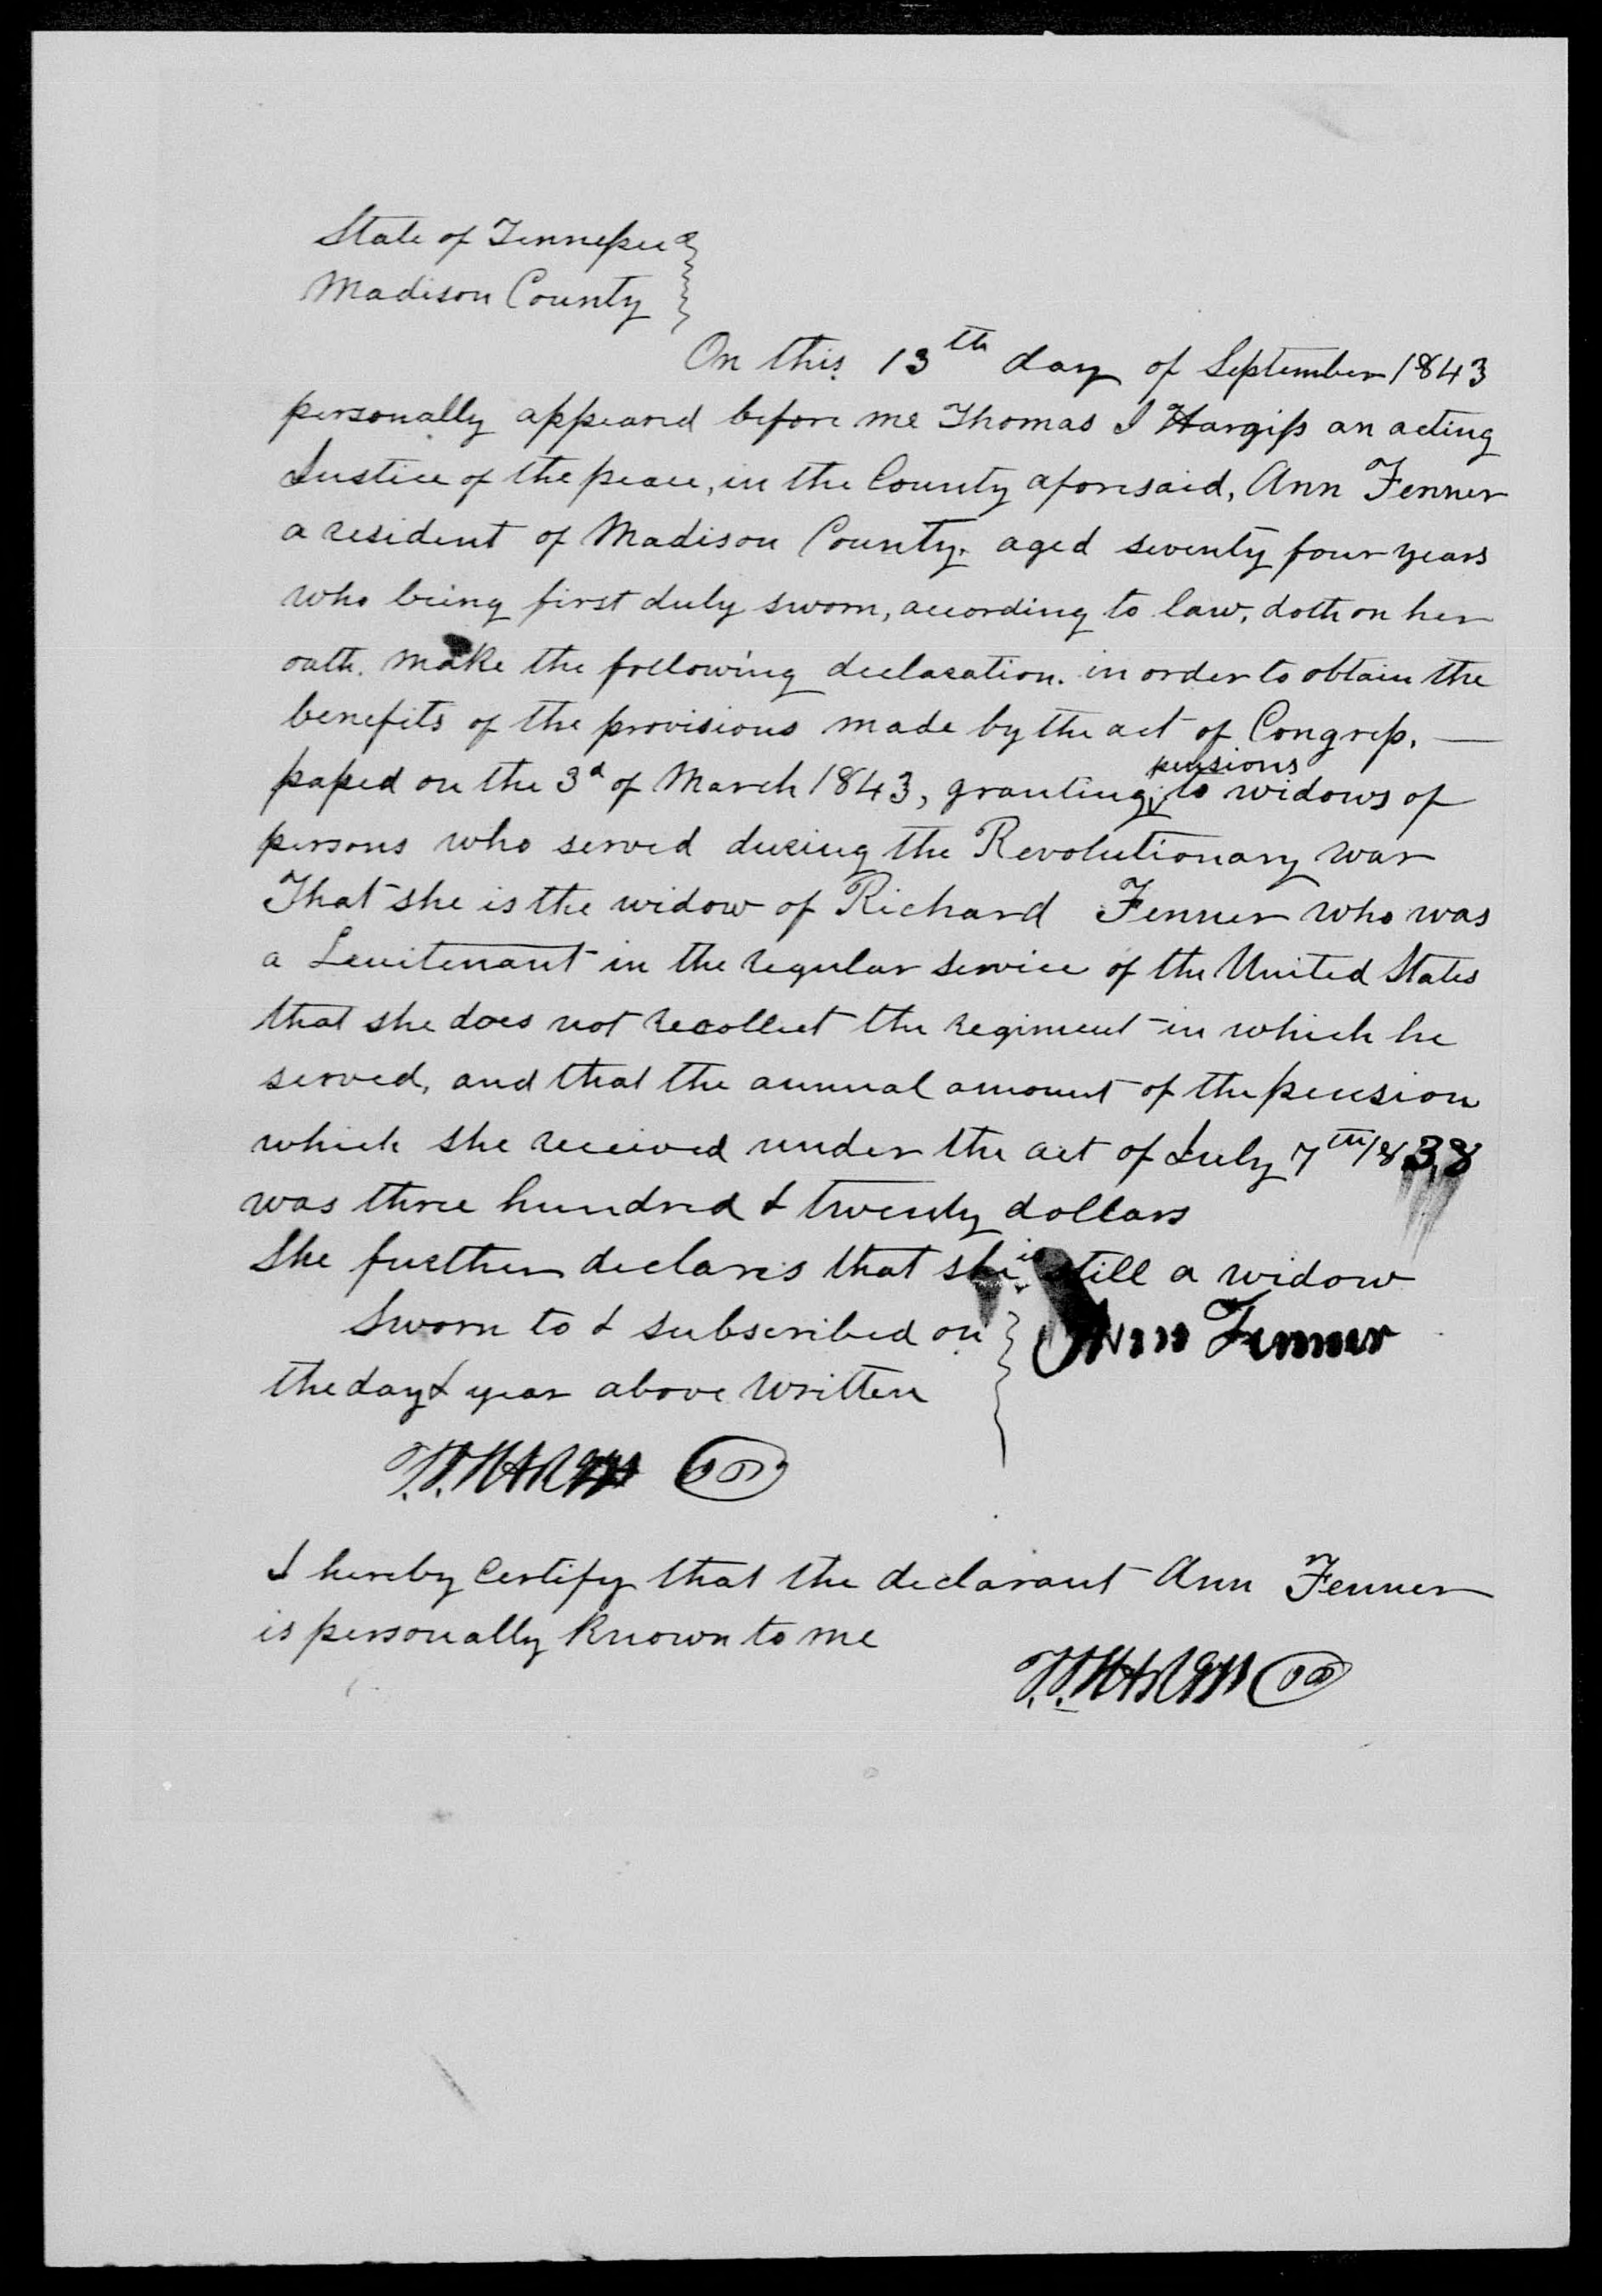State of Tennessee
Madison County

On this 13th day of September 1843 personally appeared before me Thomas J Hargiss an acting Justice of the peace, in the County aforesaid, Ann Fenner a resident of Madison County aged seventy four years who being first duly sworn, according to law, doth on his oath make the following declaration in order to obtain the benefits of the provisions made by the act of Congress passed on the 3d of March 1843, granting pensions to widows of persons who served during the Revolutionary War. That she is the widow of Richard Fenner who was a Lieutenant in the regular service of the United States that she doesnot recollect the regiment in which he served, and that the annual amount of the pension which she received under the act of July 7th 1838 was three hundred and twenty dollars

She further declares that she is still a widow

Ann Fenner

Sworn to and subscribed on the day and year above written 
[illegible]

I hereby certify that the declarant Ann Fenner is personally known to me

[illegible]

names: Ann Fenner, Richard Fenner, Thomas J Hargiss, Ann Fenner, Ann Fenner, T J H Aston, T J H Aston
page: 31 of 39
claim: widow's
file: W. 789, Richard Fenner, N.C.